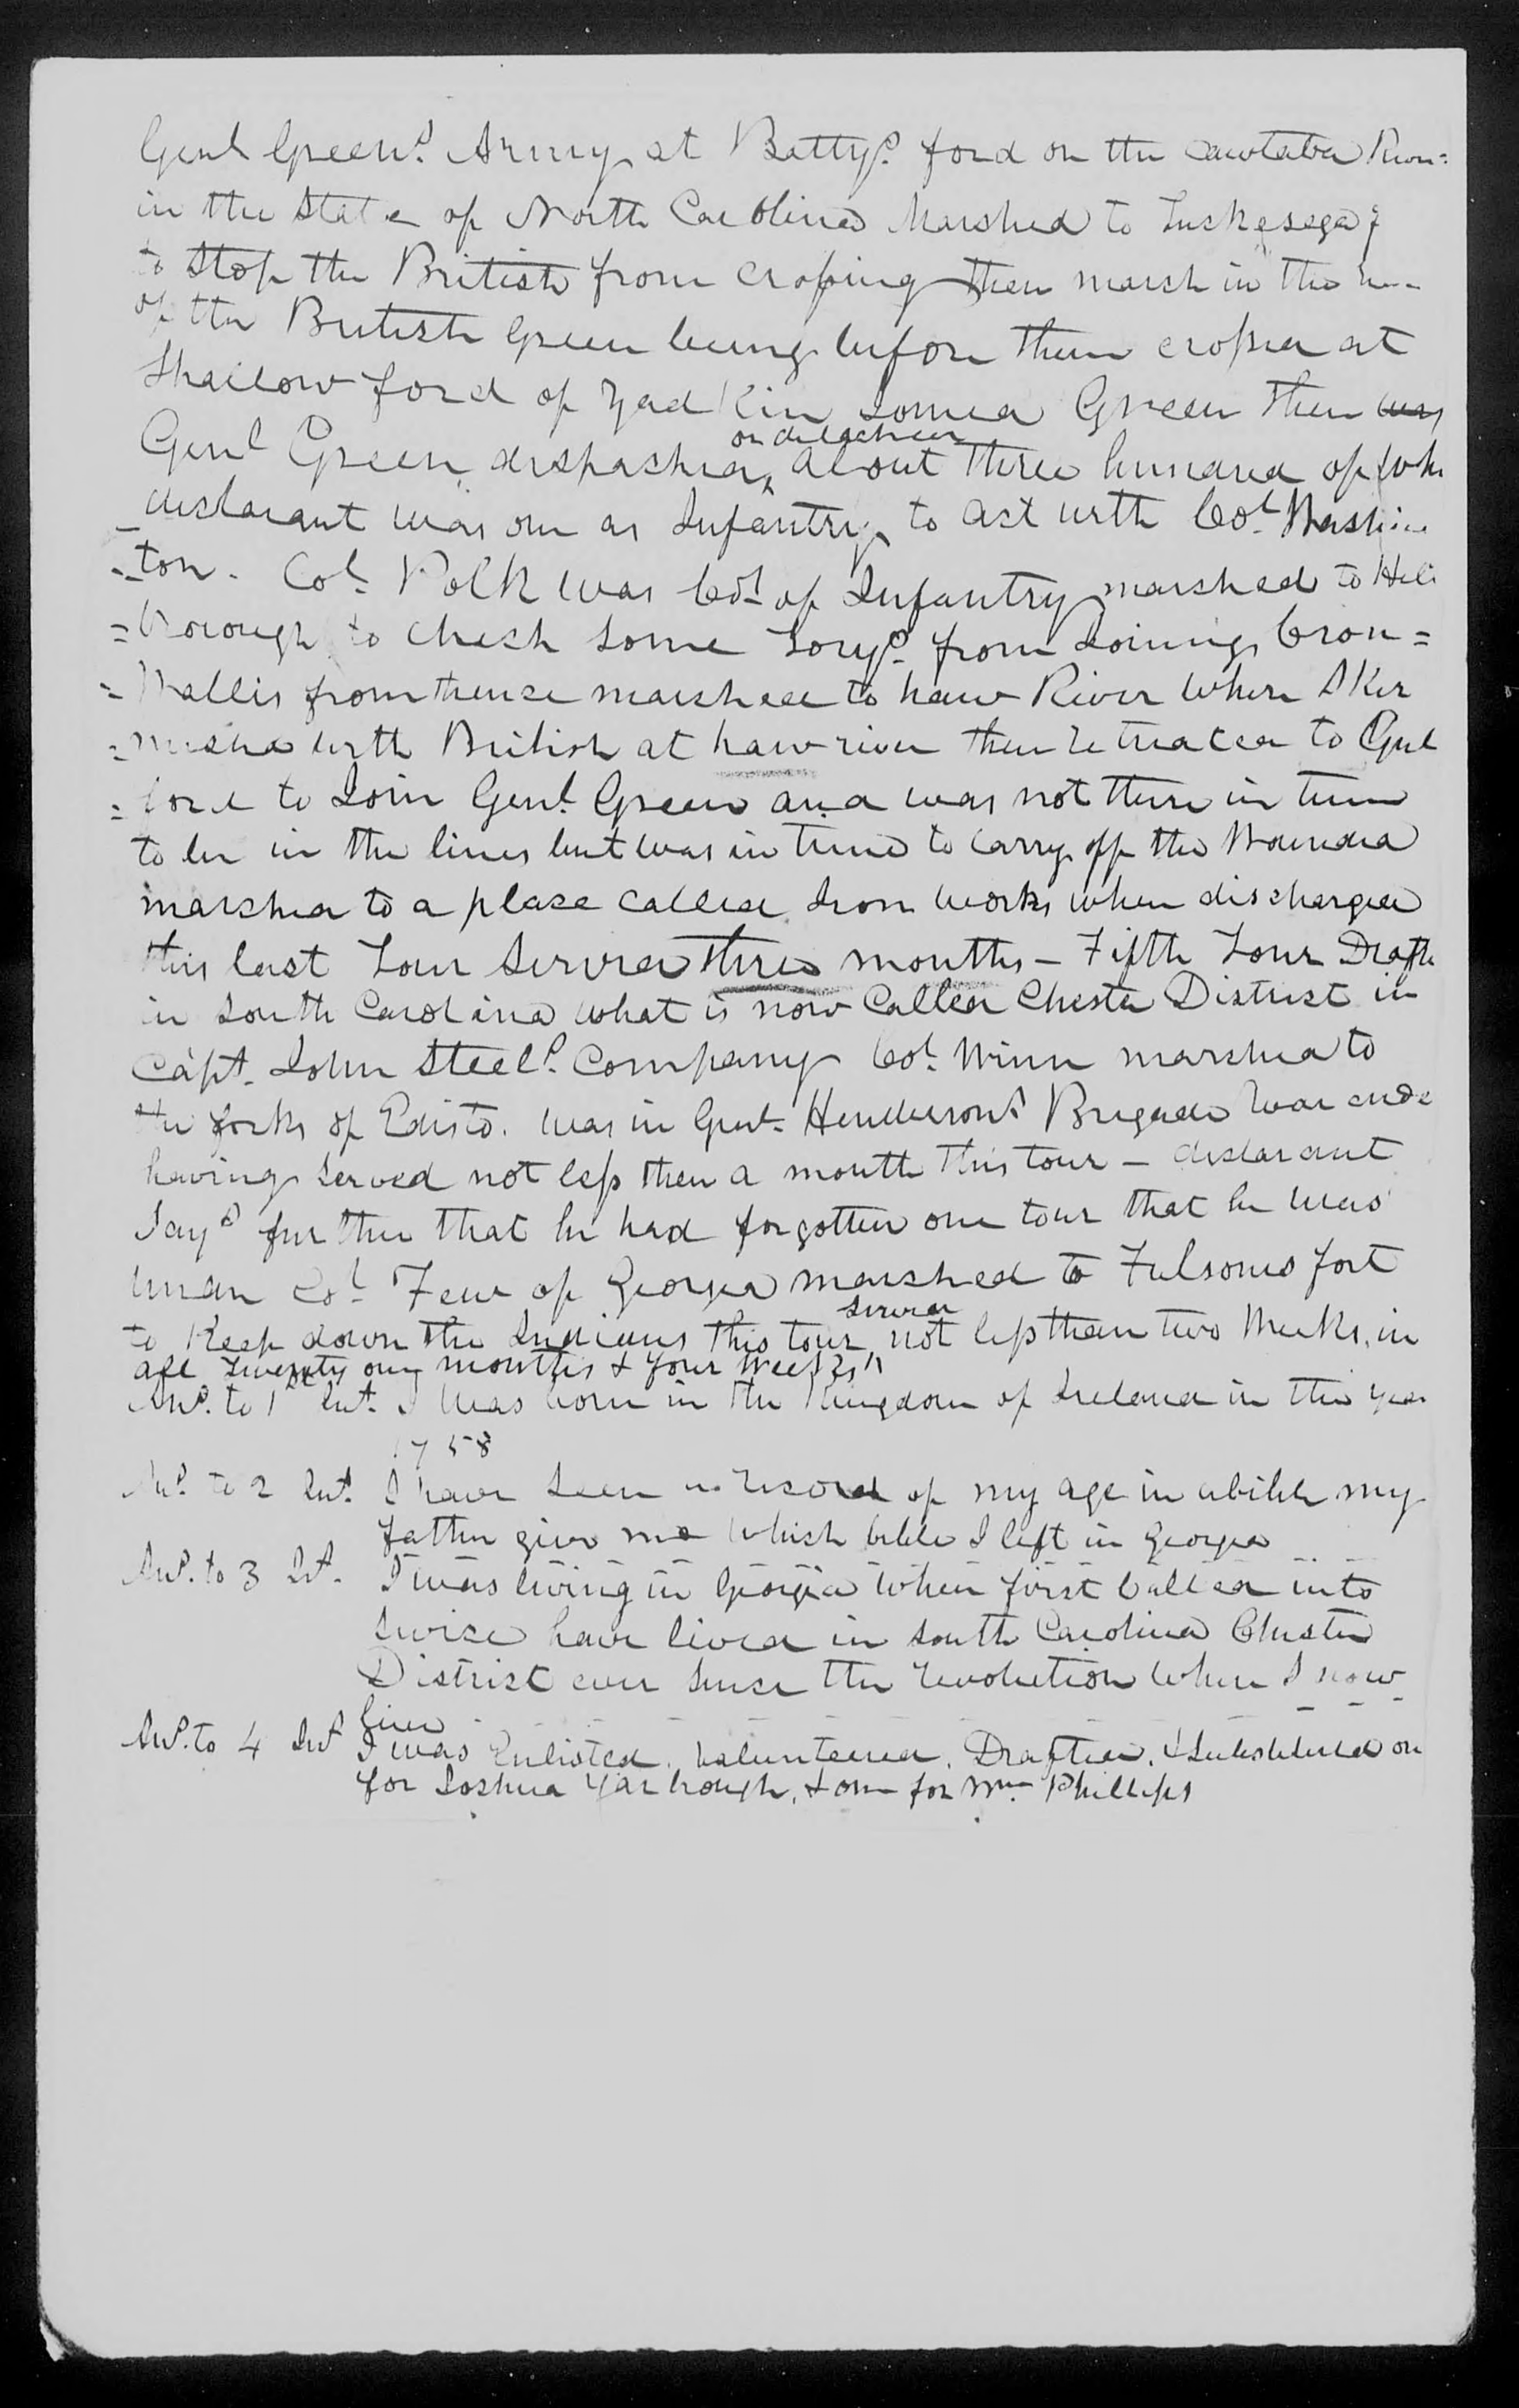Genl Green's Army at Betty's ford on the Cawtawba River in the State of North Carolina  Marched to the Tuckesega to stop the British from crossing then march in the  .. (illegible ) the British Green being before them crossed at Shallow ford of Yadkin River  Green there  General Green dispatched or detached about  three hundred of which declarant was in as Infantry to act with Col. Washington  - Col. Polk was  Col of Infantry  marched to Hillsborough to check some Torys (Tories ) from doing Granmellis (? grand malice )  from thence marched to Haw River where skirmished with British at Law River the retraced to Guilford to join Genl. Green and was not there in time to be in the lines but was in time to carry off the wounded , marched to a place called Iron Works, when discharged this last tour served three months - Fifth tour draft in South Carolina what is now called Carter Chester District in Capt. John Steele's company  Col. Winn  marched to the forks of Edisto was in Genl Henderson's  Brigade was and having served no less than a month this tour - declarant say for this that he had forgotten one tour that he was in Col. Few of Georgia marched to Fulsom's fort to put down the Indians this tour served not less than two weeks in all twenty one months  & four weeks.  Ans to 1 Qest . I was born in the Kingdom of Ireland in this year 1758. Ans to 2 Qest. I have seen a record of my age in a bible my father give me which bible I left in Georgia . Ans ti 3 Qest.  I was living in Georgia when first called into service have lived in South Carolina  Chester District ever since the revolution where I now live. Ans to 4 Qest. I was enlisted volunteered , drafted ,  & substituted one for Joshua Yarbrough  & one for Wm Phillips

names: Joshua Yarbrough, Green, Polk, Winn, Wm Phillips, Washington, Few, Green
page: 4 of 23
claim: survivor's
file: S. 21068, John Bell, Ga. N. C. S. C.